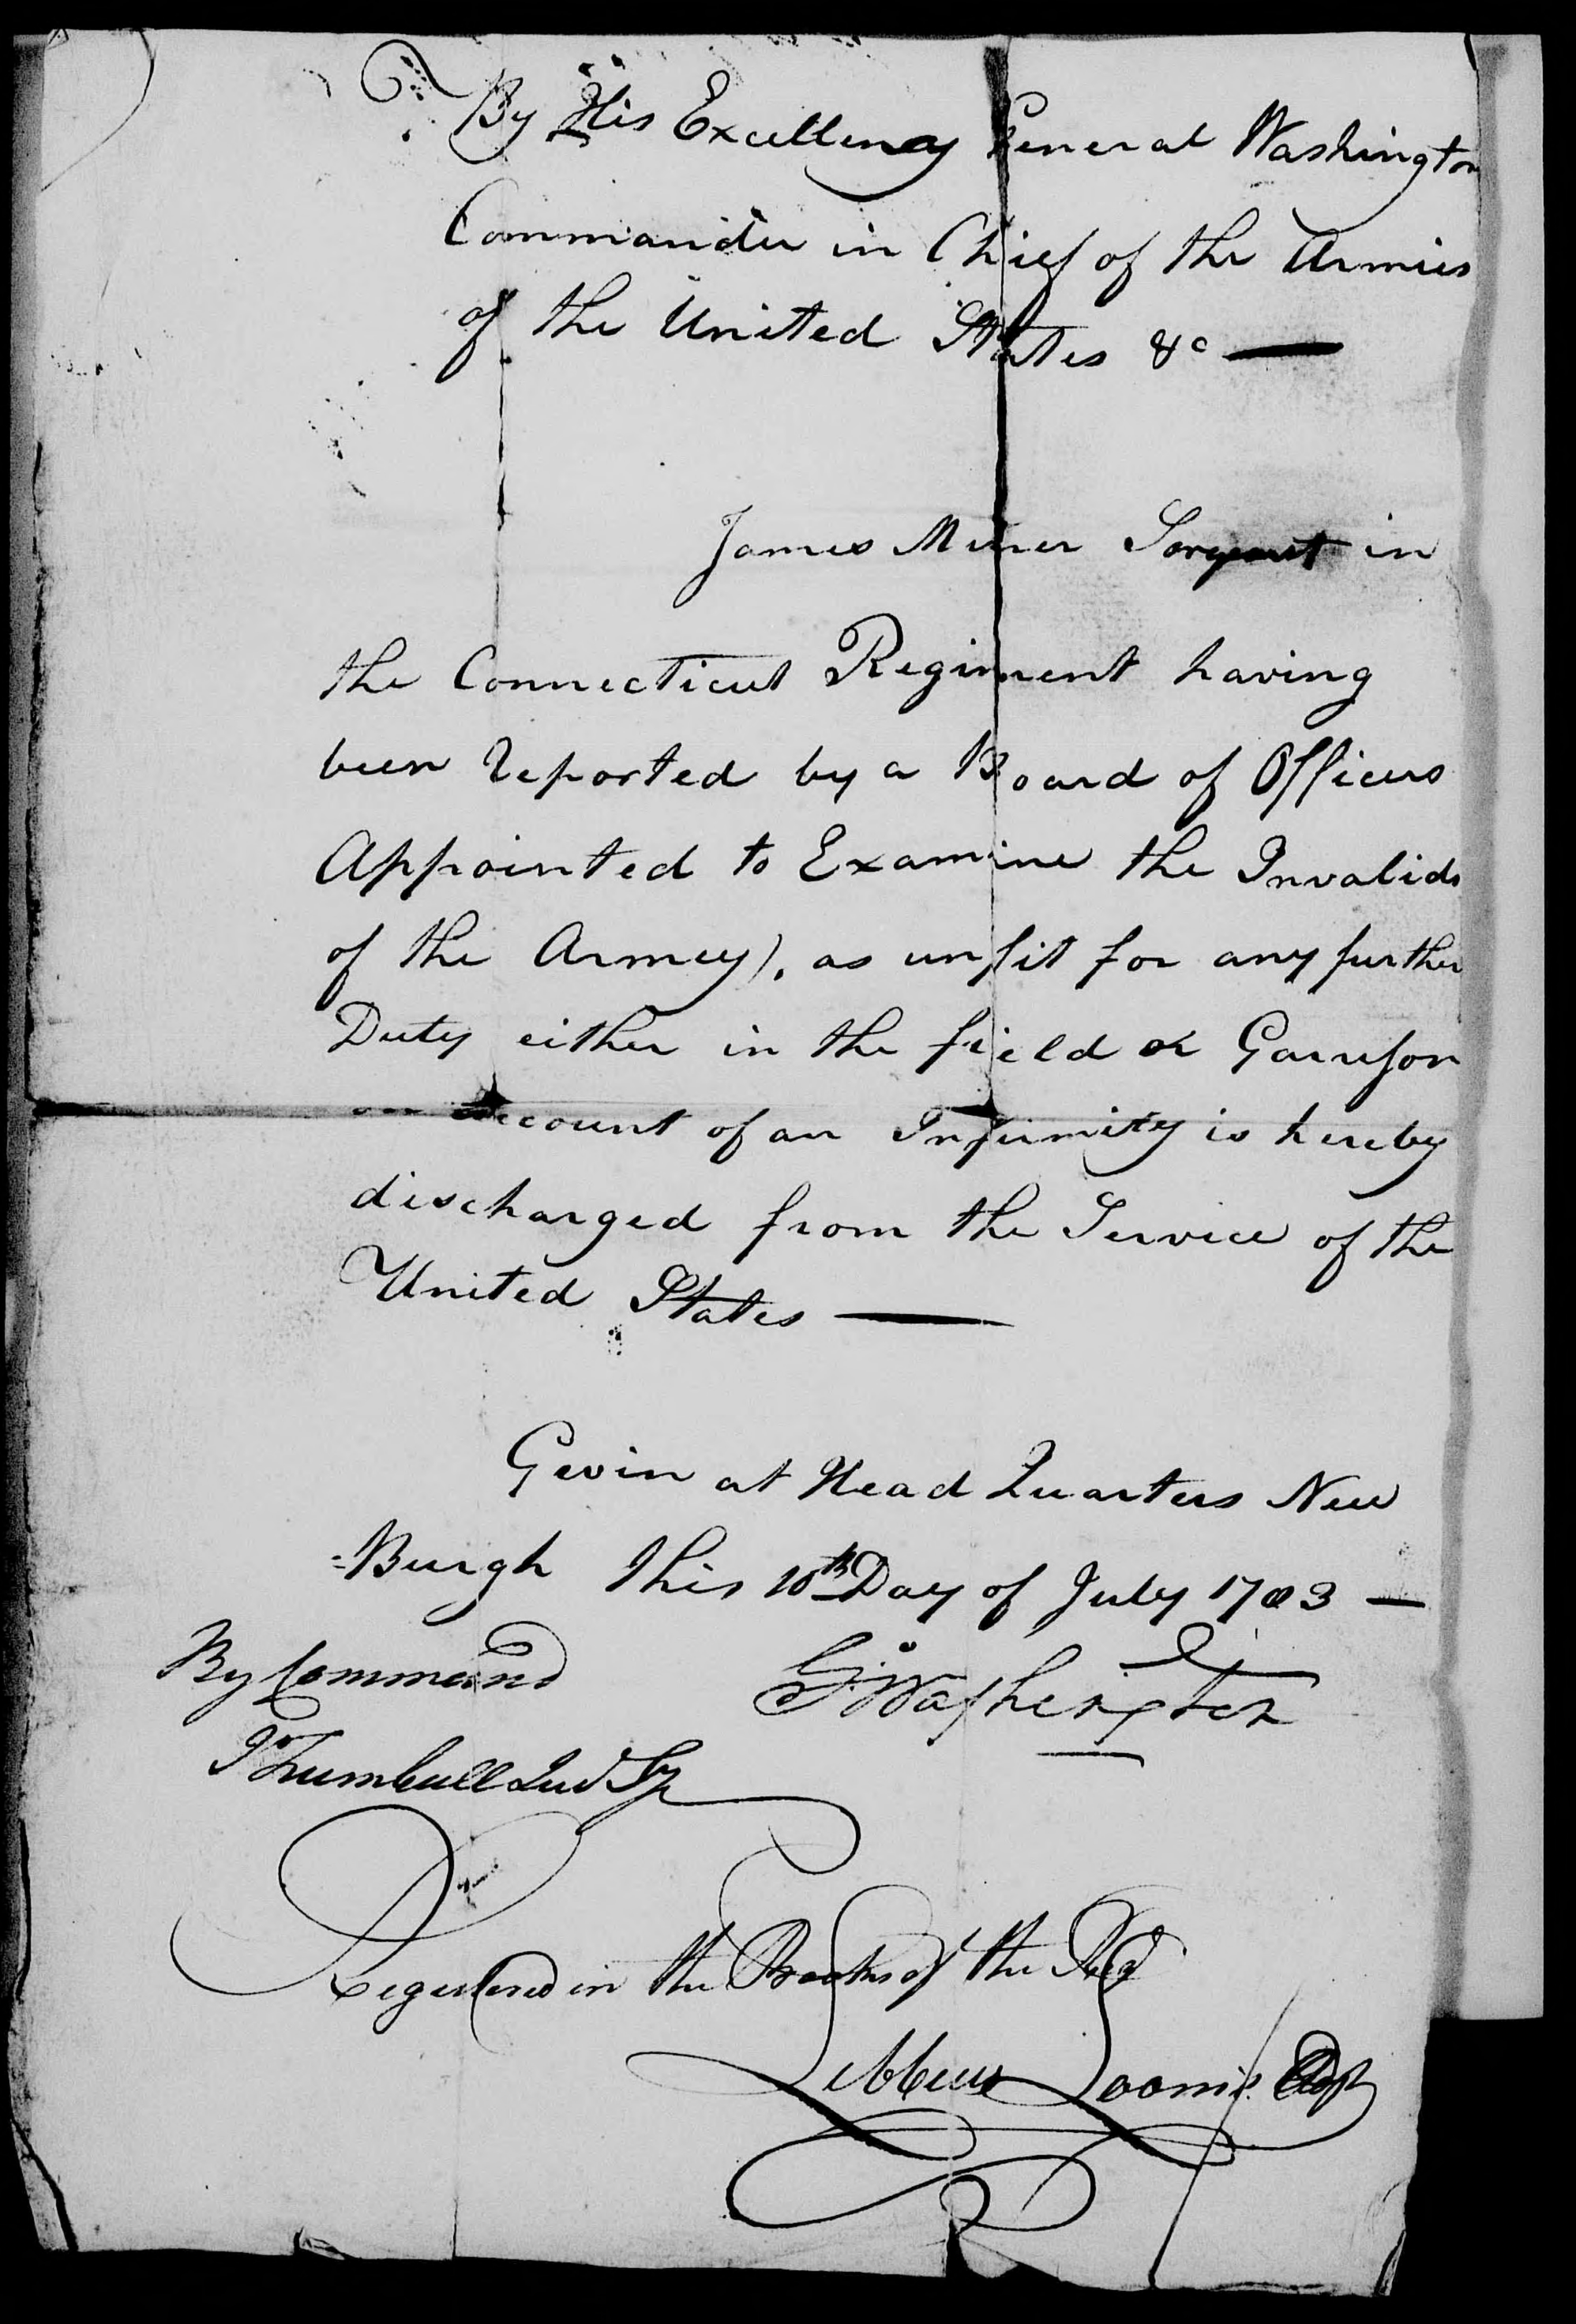By His Excellency General Washington Commander in Chief of the Armies of the United Sates  

James Miner Sargeant in the Connecticut Regiment having been reported by a Board of Officers appointed to Examine the Invalids of the Army, as unfit for any further Duty either in the field or Garrison on account of an Infirmity is hereby discharged from the service of the United States.

Given at Head Quarters New Burgh this 20th day of July 1783.

By Command G Washington

J Trumbull [illegible] 

Registered in the Books of the [illegible]

Lebbeus Loomis [illegbile]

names: James Miner; Go Washington; [BLANK] Washington; Lebbeus Loomis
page: 27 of 39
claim: survivor's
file: S. 23802, for James Miner, Connecticut